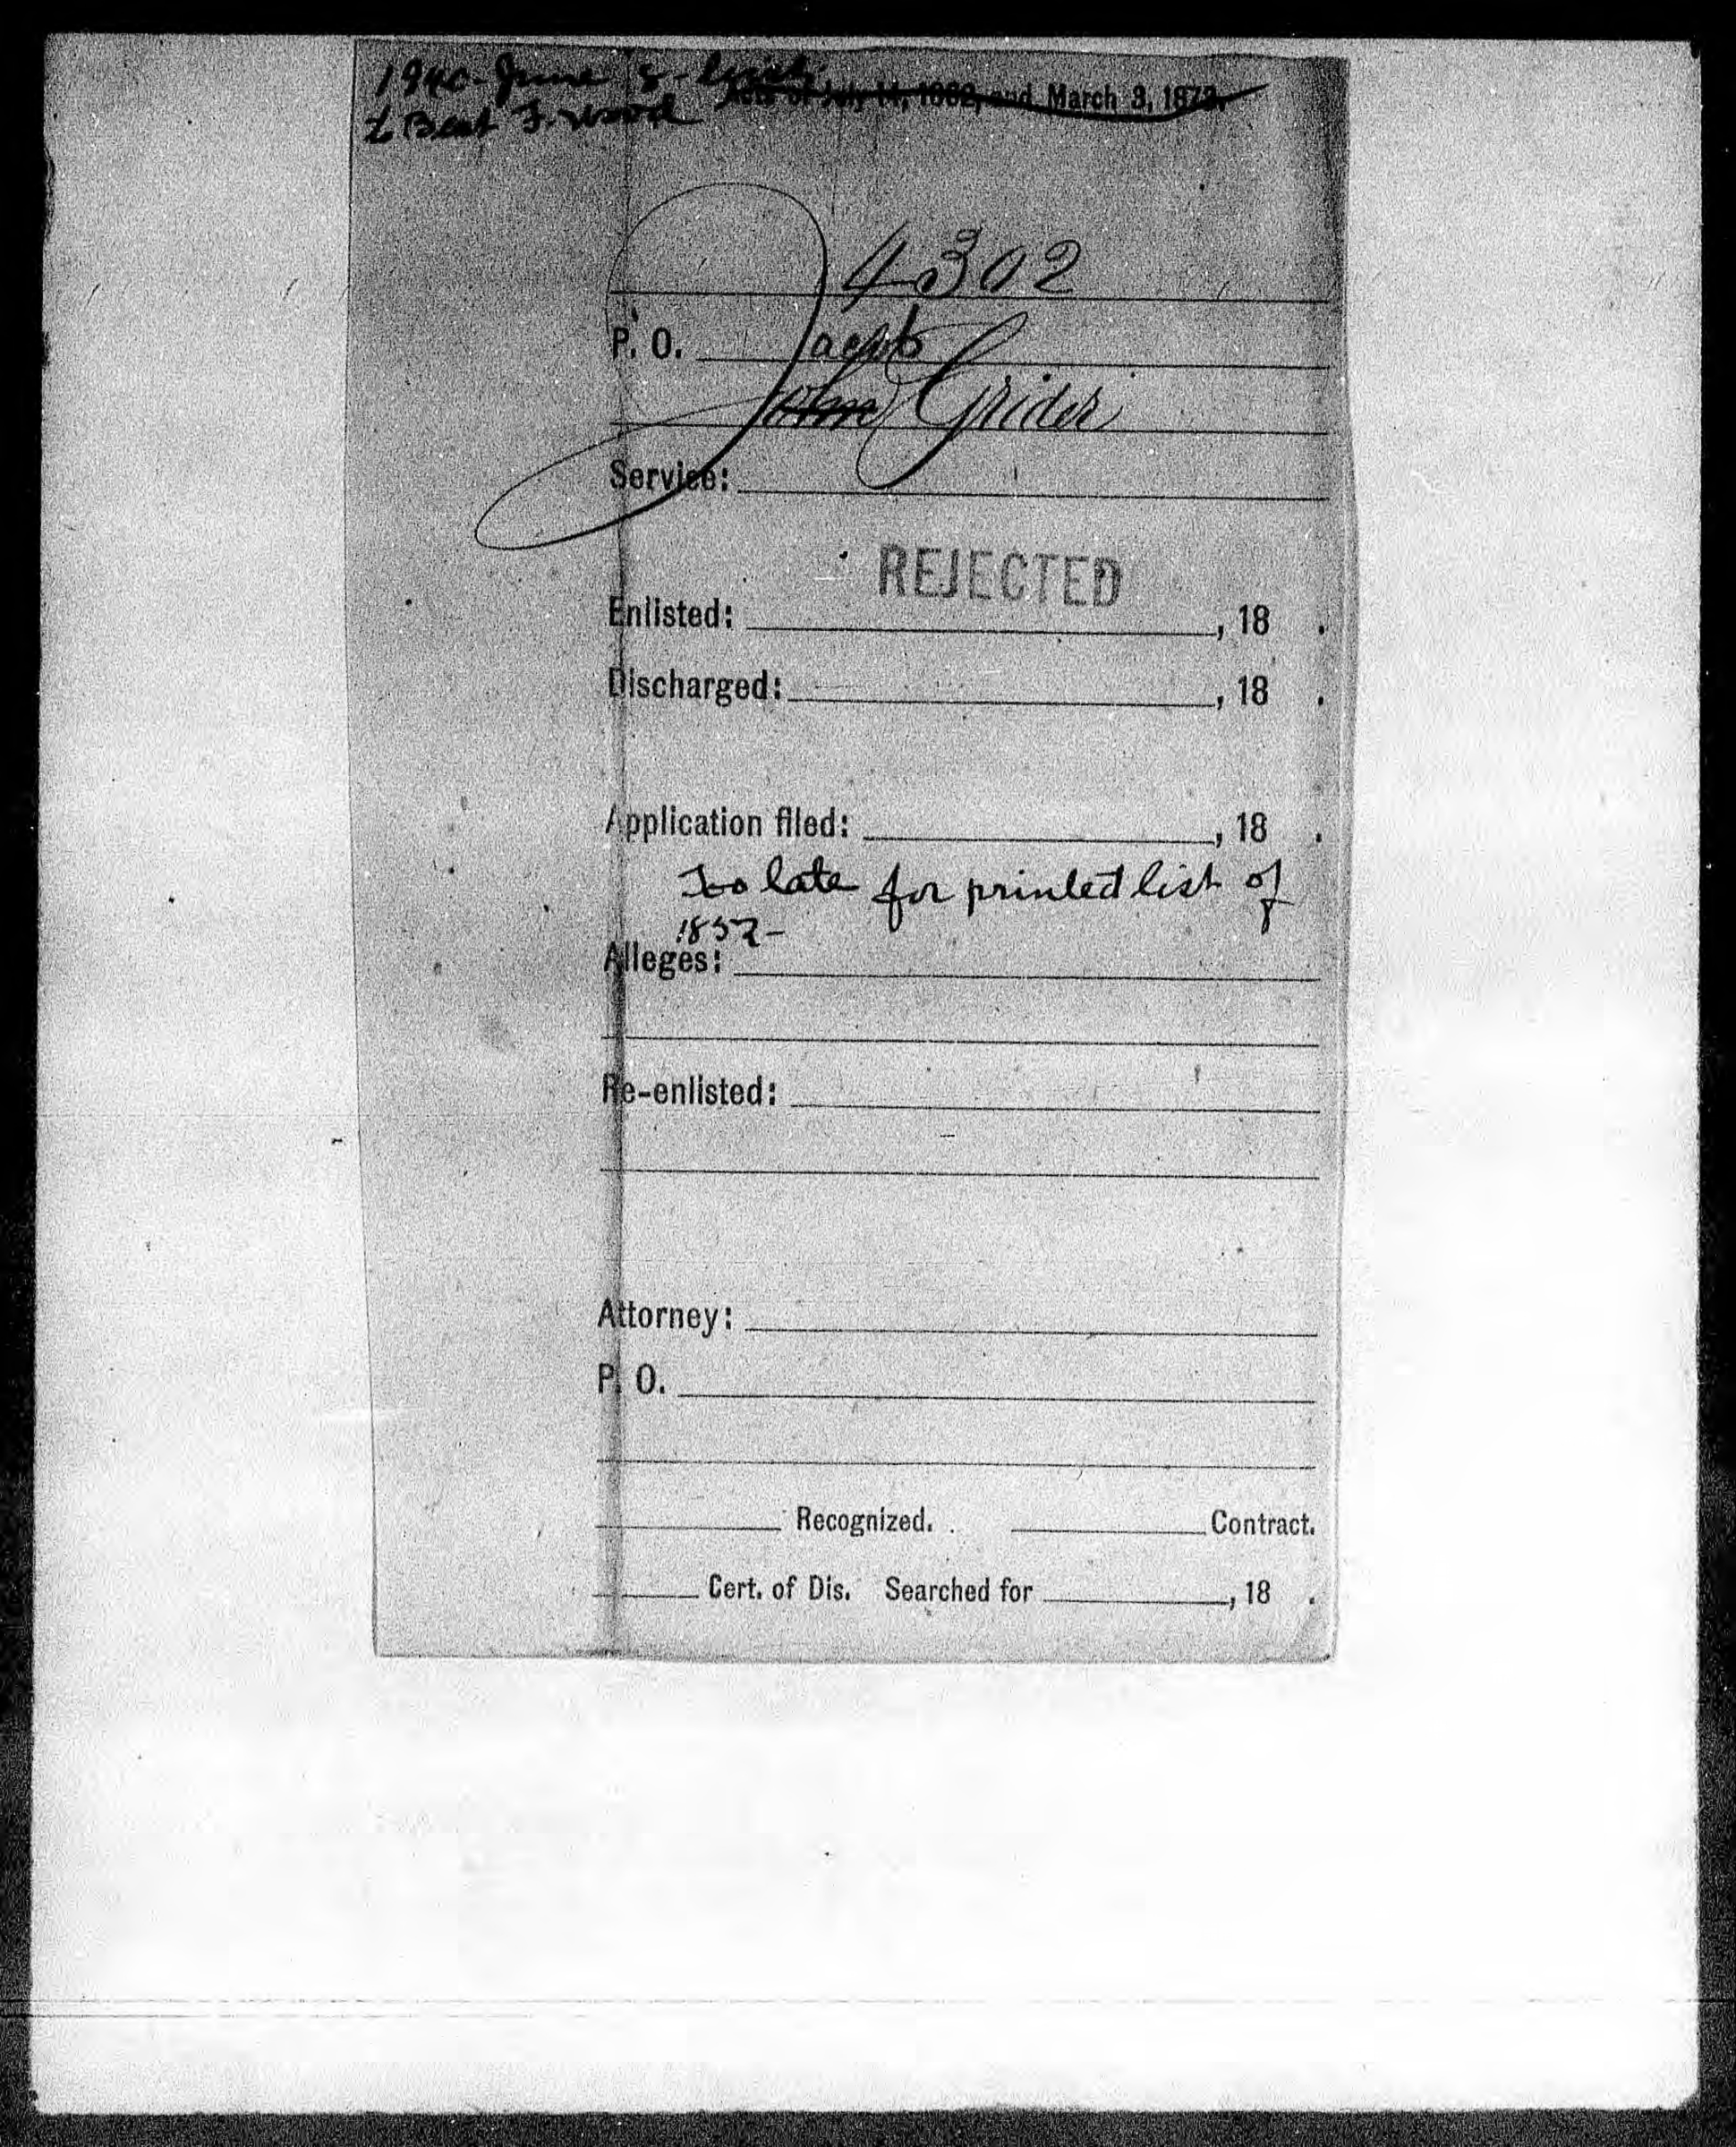1940 - June 8, Hist to Bert F. Wood

4302
P.O. Jacob Grider ["John" struck through]
Service: ___
Enlisted: Rejected , 18
Discharged: ___, 18
Application filed: ___, 18
Too late for printed list of 1852
Alleges: ___
Re-enlisted: ___
Attorney: ___
P.O. ___
___ Recognized. ___ Contract.
___ Cert. of Dis.  Searched for ___, 18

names: Bert F Wood, Jacob Grider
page: 6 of 10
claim: rejected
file: R. 4302, Jacob Grider, Va